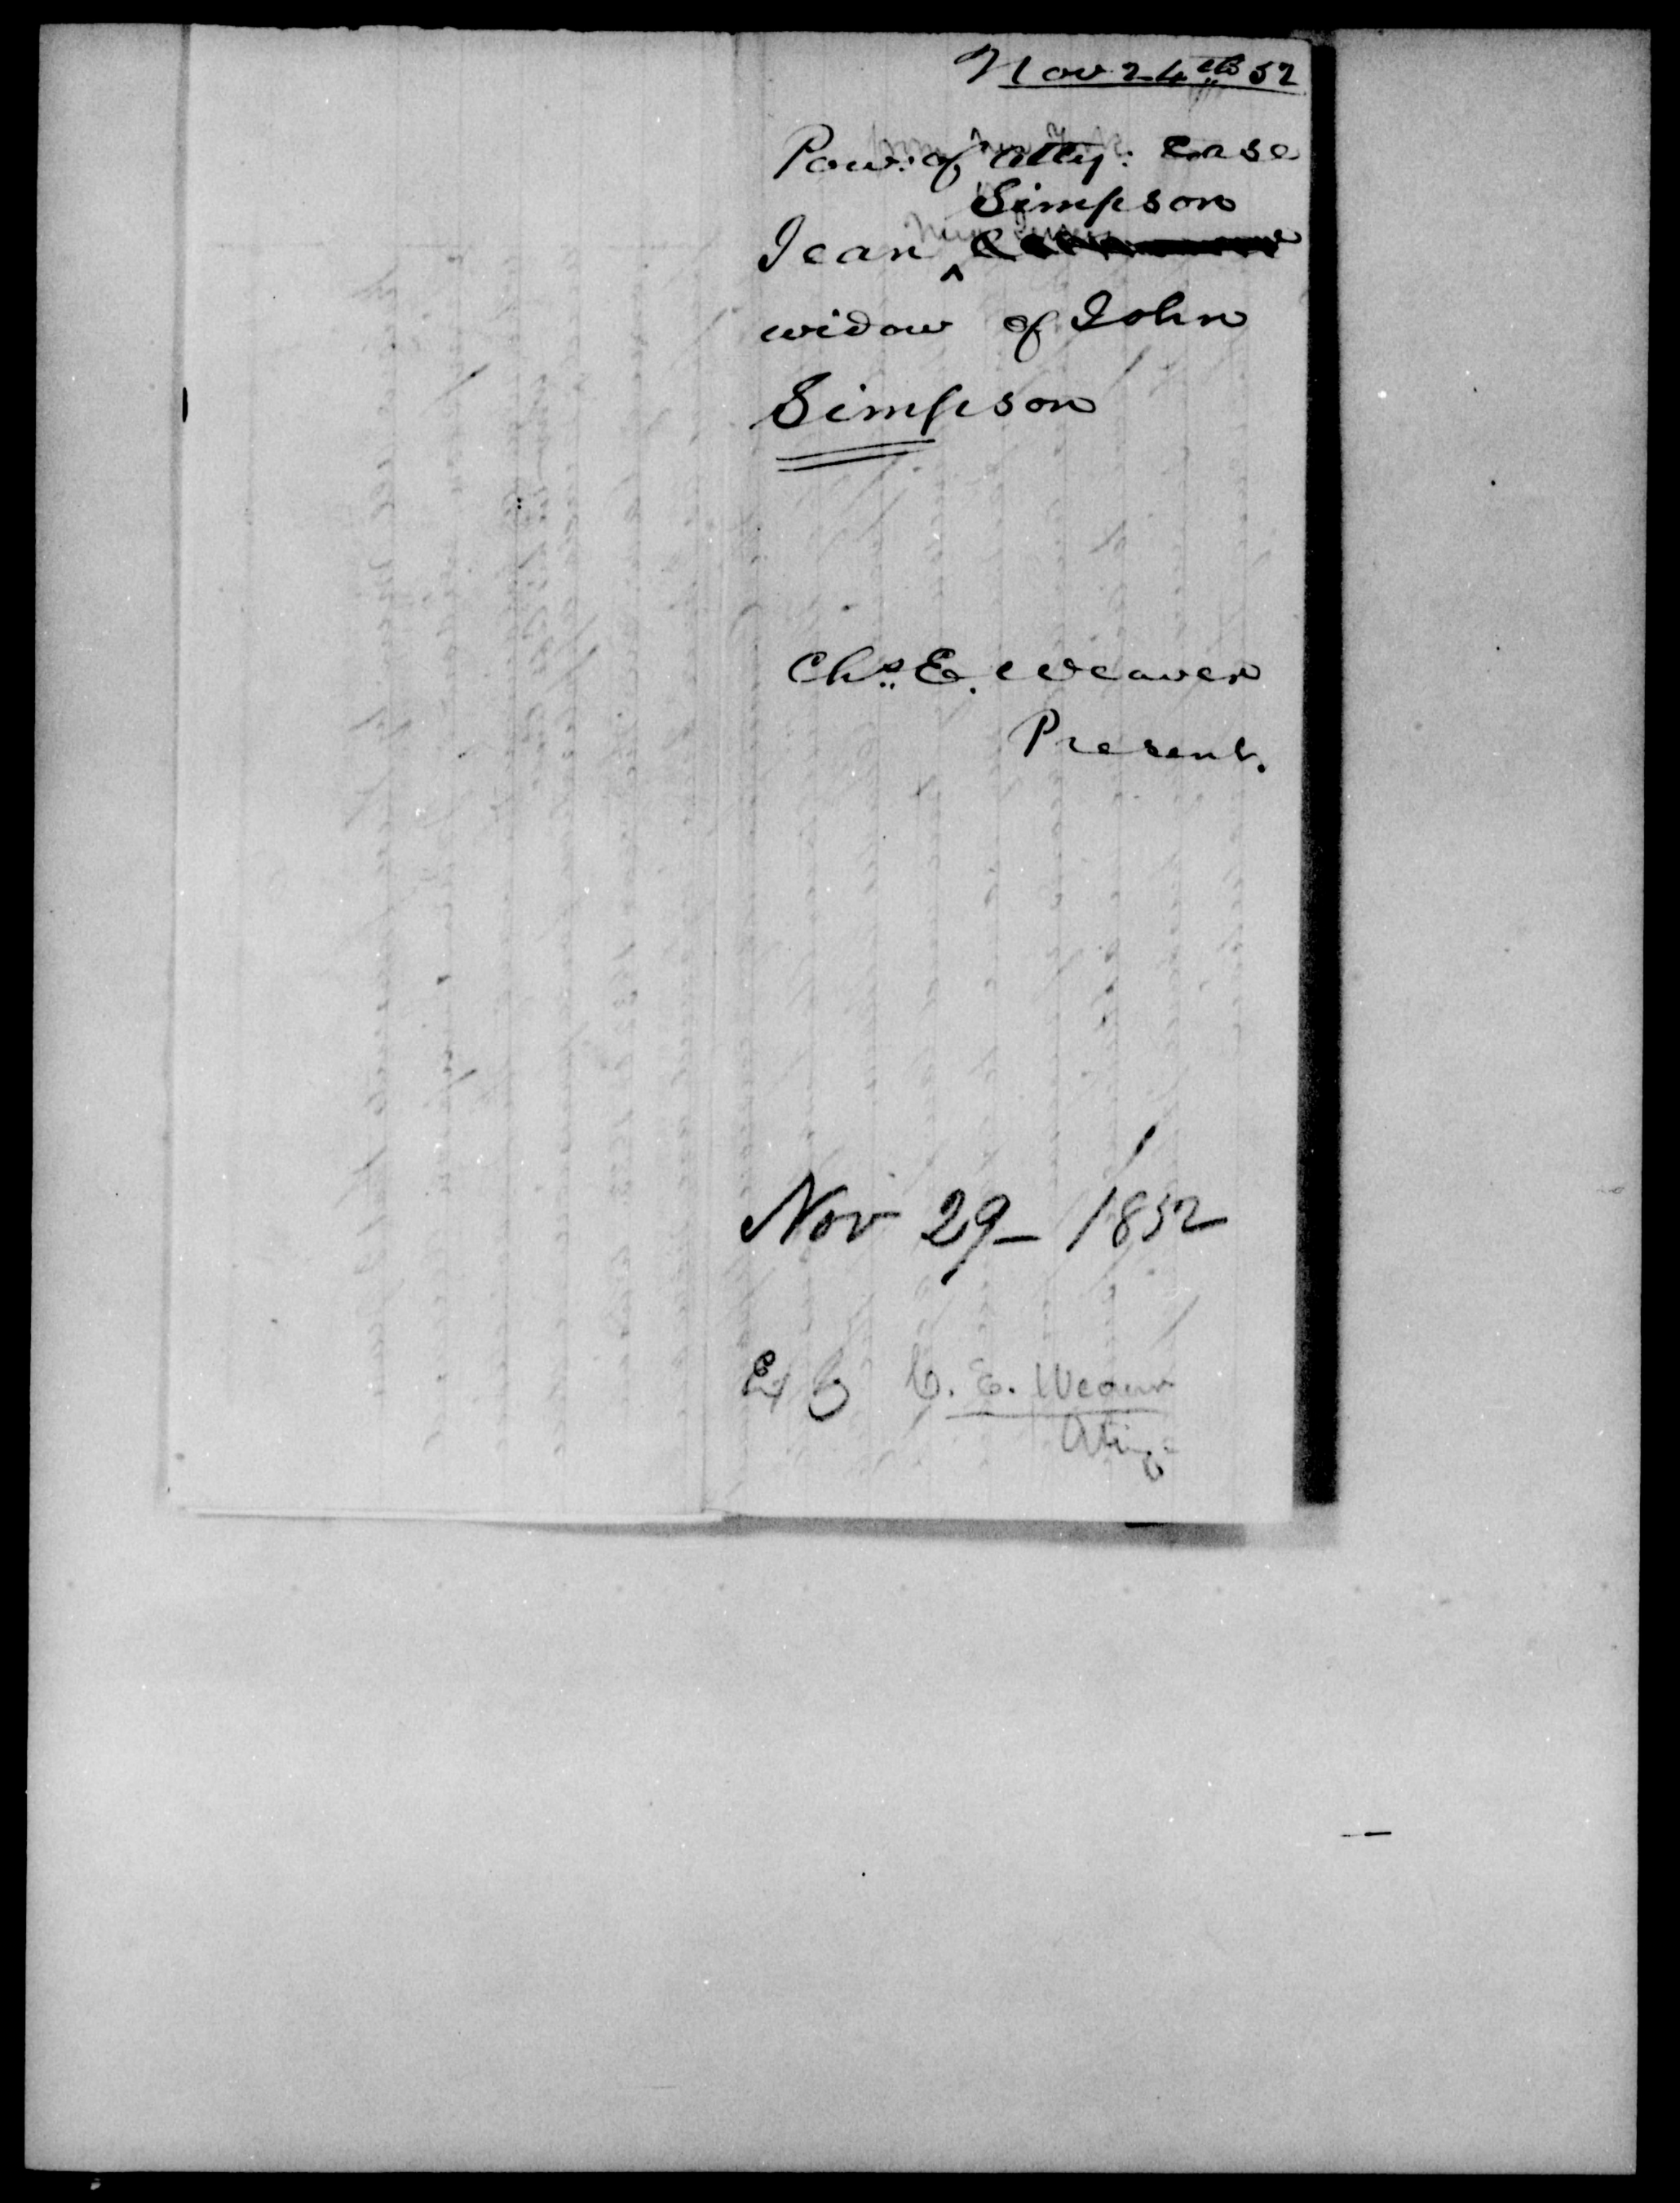Nov 26th 52
Powr of Atty case Jean Simpson [illegible crossed out name] widow of John Simpson
Chs E. Weaver Present.
Nov 29 1852
[illegible] C. E. Weaver [illegible]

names: John Simpson; Chs E Weaver; Jean Simpson; C E Weaver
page: 8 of 35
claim: rejected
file: R. 9601, for John Simson, New Jersey